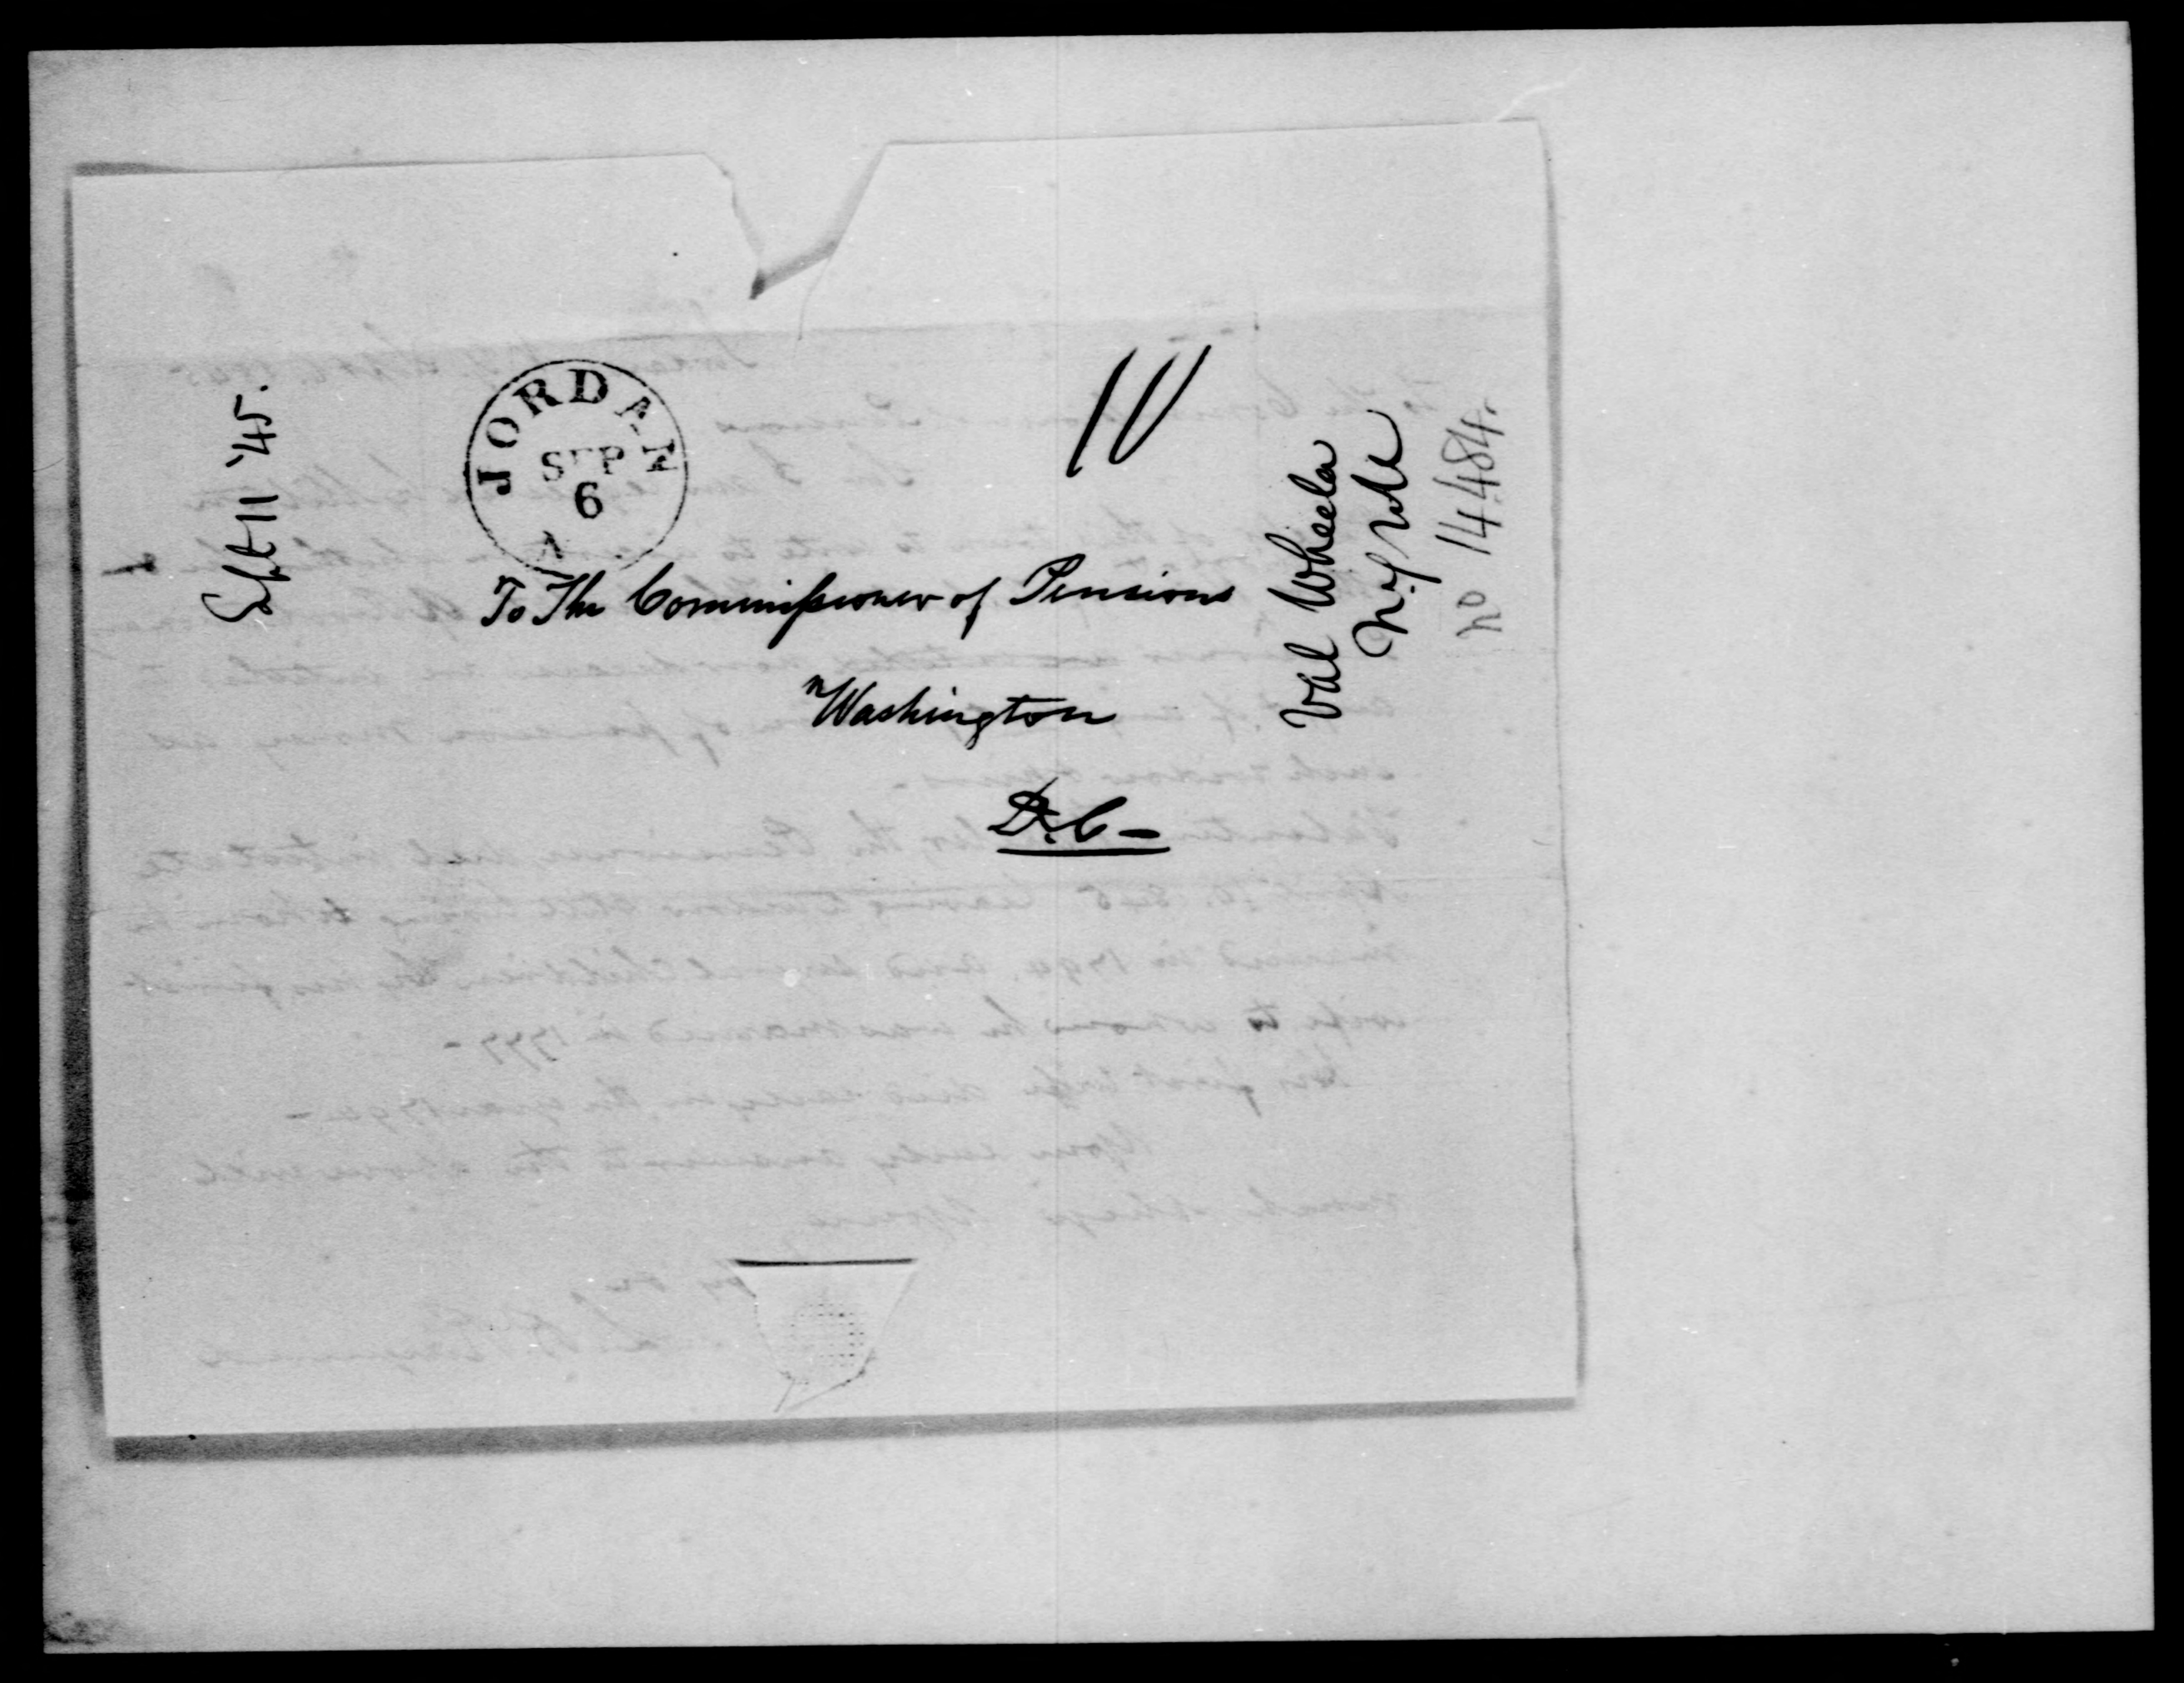[Post mark-Jordan Sep 6 N. Y.]

To The Commissioner of Pensions
Washington D. C. 

Sept. 11 '45
Val. Wheeler
N. Y. roll 
No. 14484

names: Val Wheeler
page: 79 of 98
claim: widow's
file: W. 1682, Valentine Wheeler, Mass.